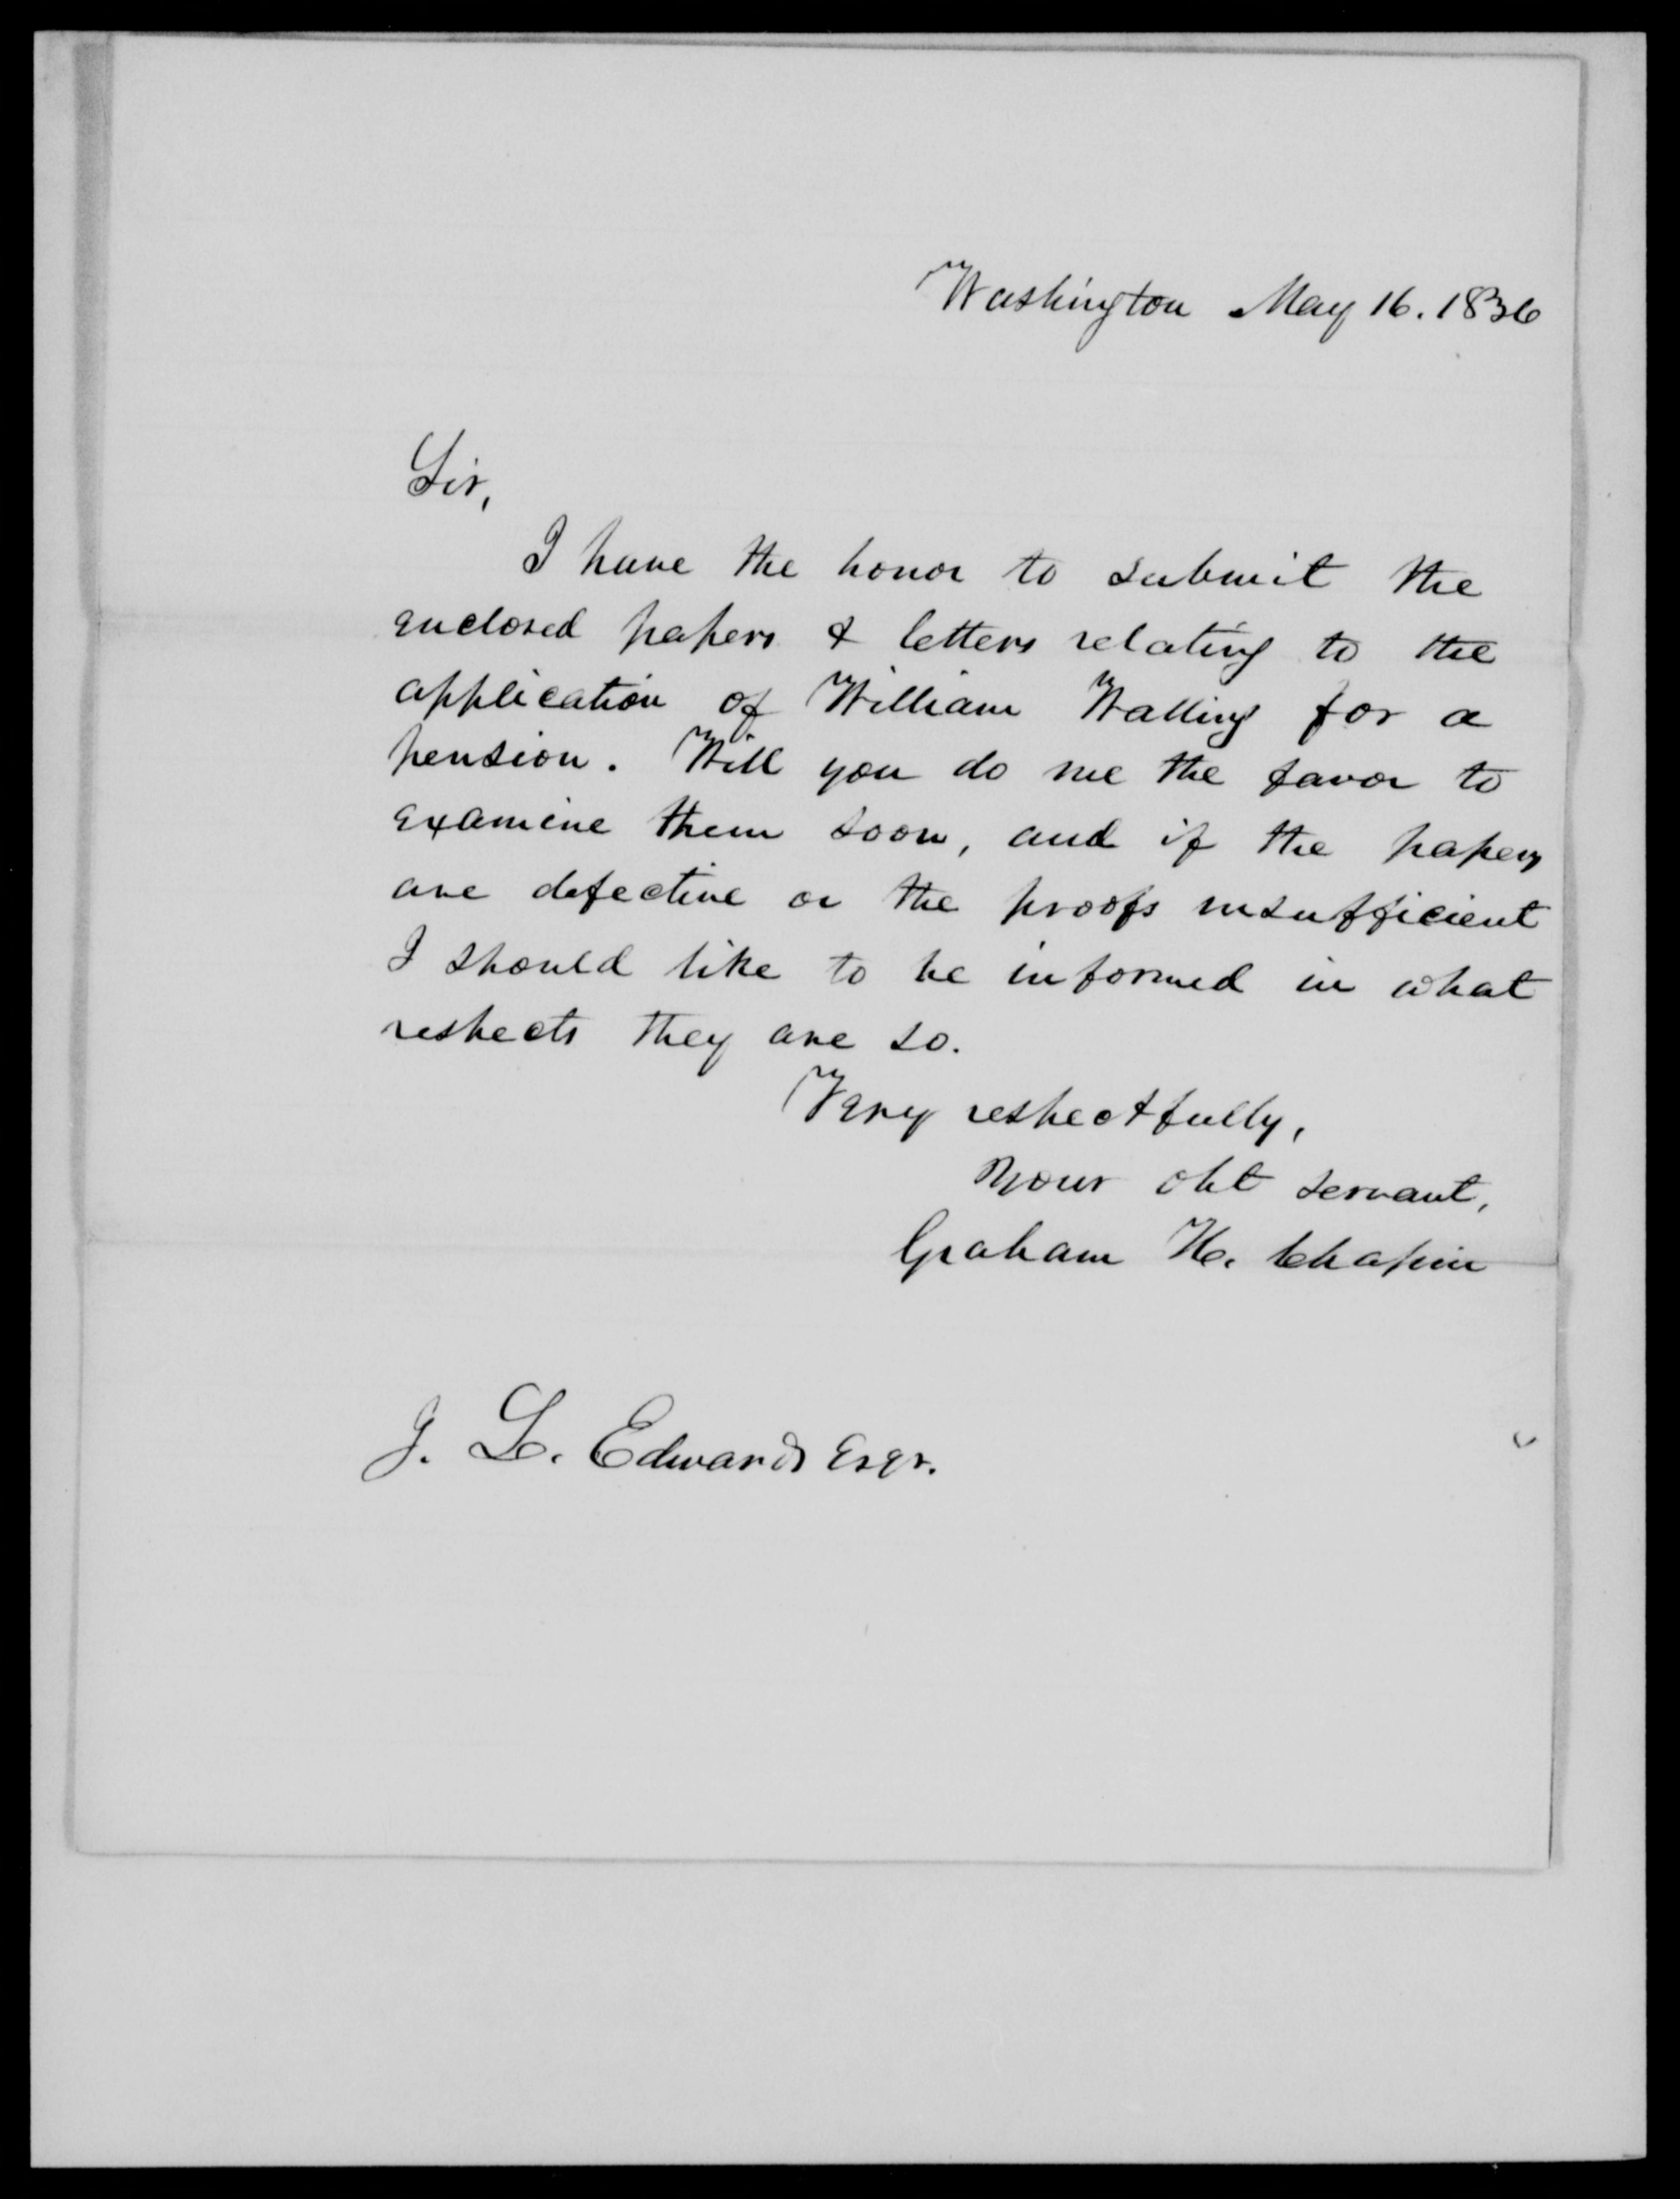Washington May 16 1836

Sir,
I have the honor to submit the enclosed papers & letters relating to the application of William Walling for a pension.  Will you do me the favor to examine them soon, and if the papers are defective or the proofs insufficient I should like to be informed in what (illegible) they are so.
Very respectfully,
Your (illegible) servant,
Graham H. Chapin

J.L. Edwards, Esq.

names: Graham H Chapin, J L Edwards, William Walling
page: 34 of 66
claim: widow's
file: W. 19588, William Walling, New Jersey